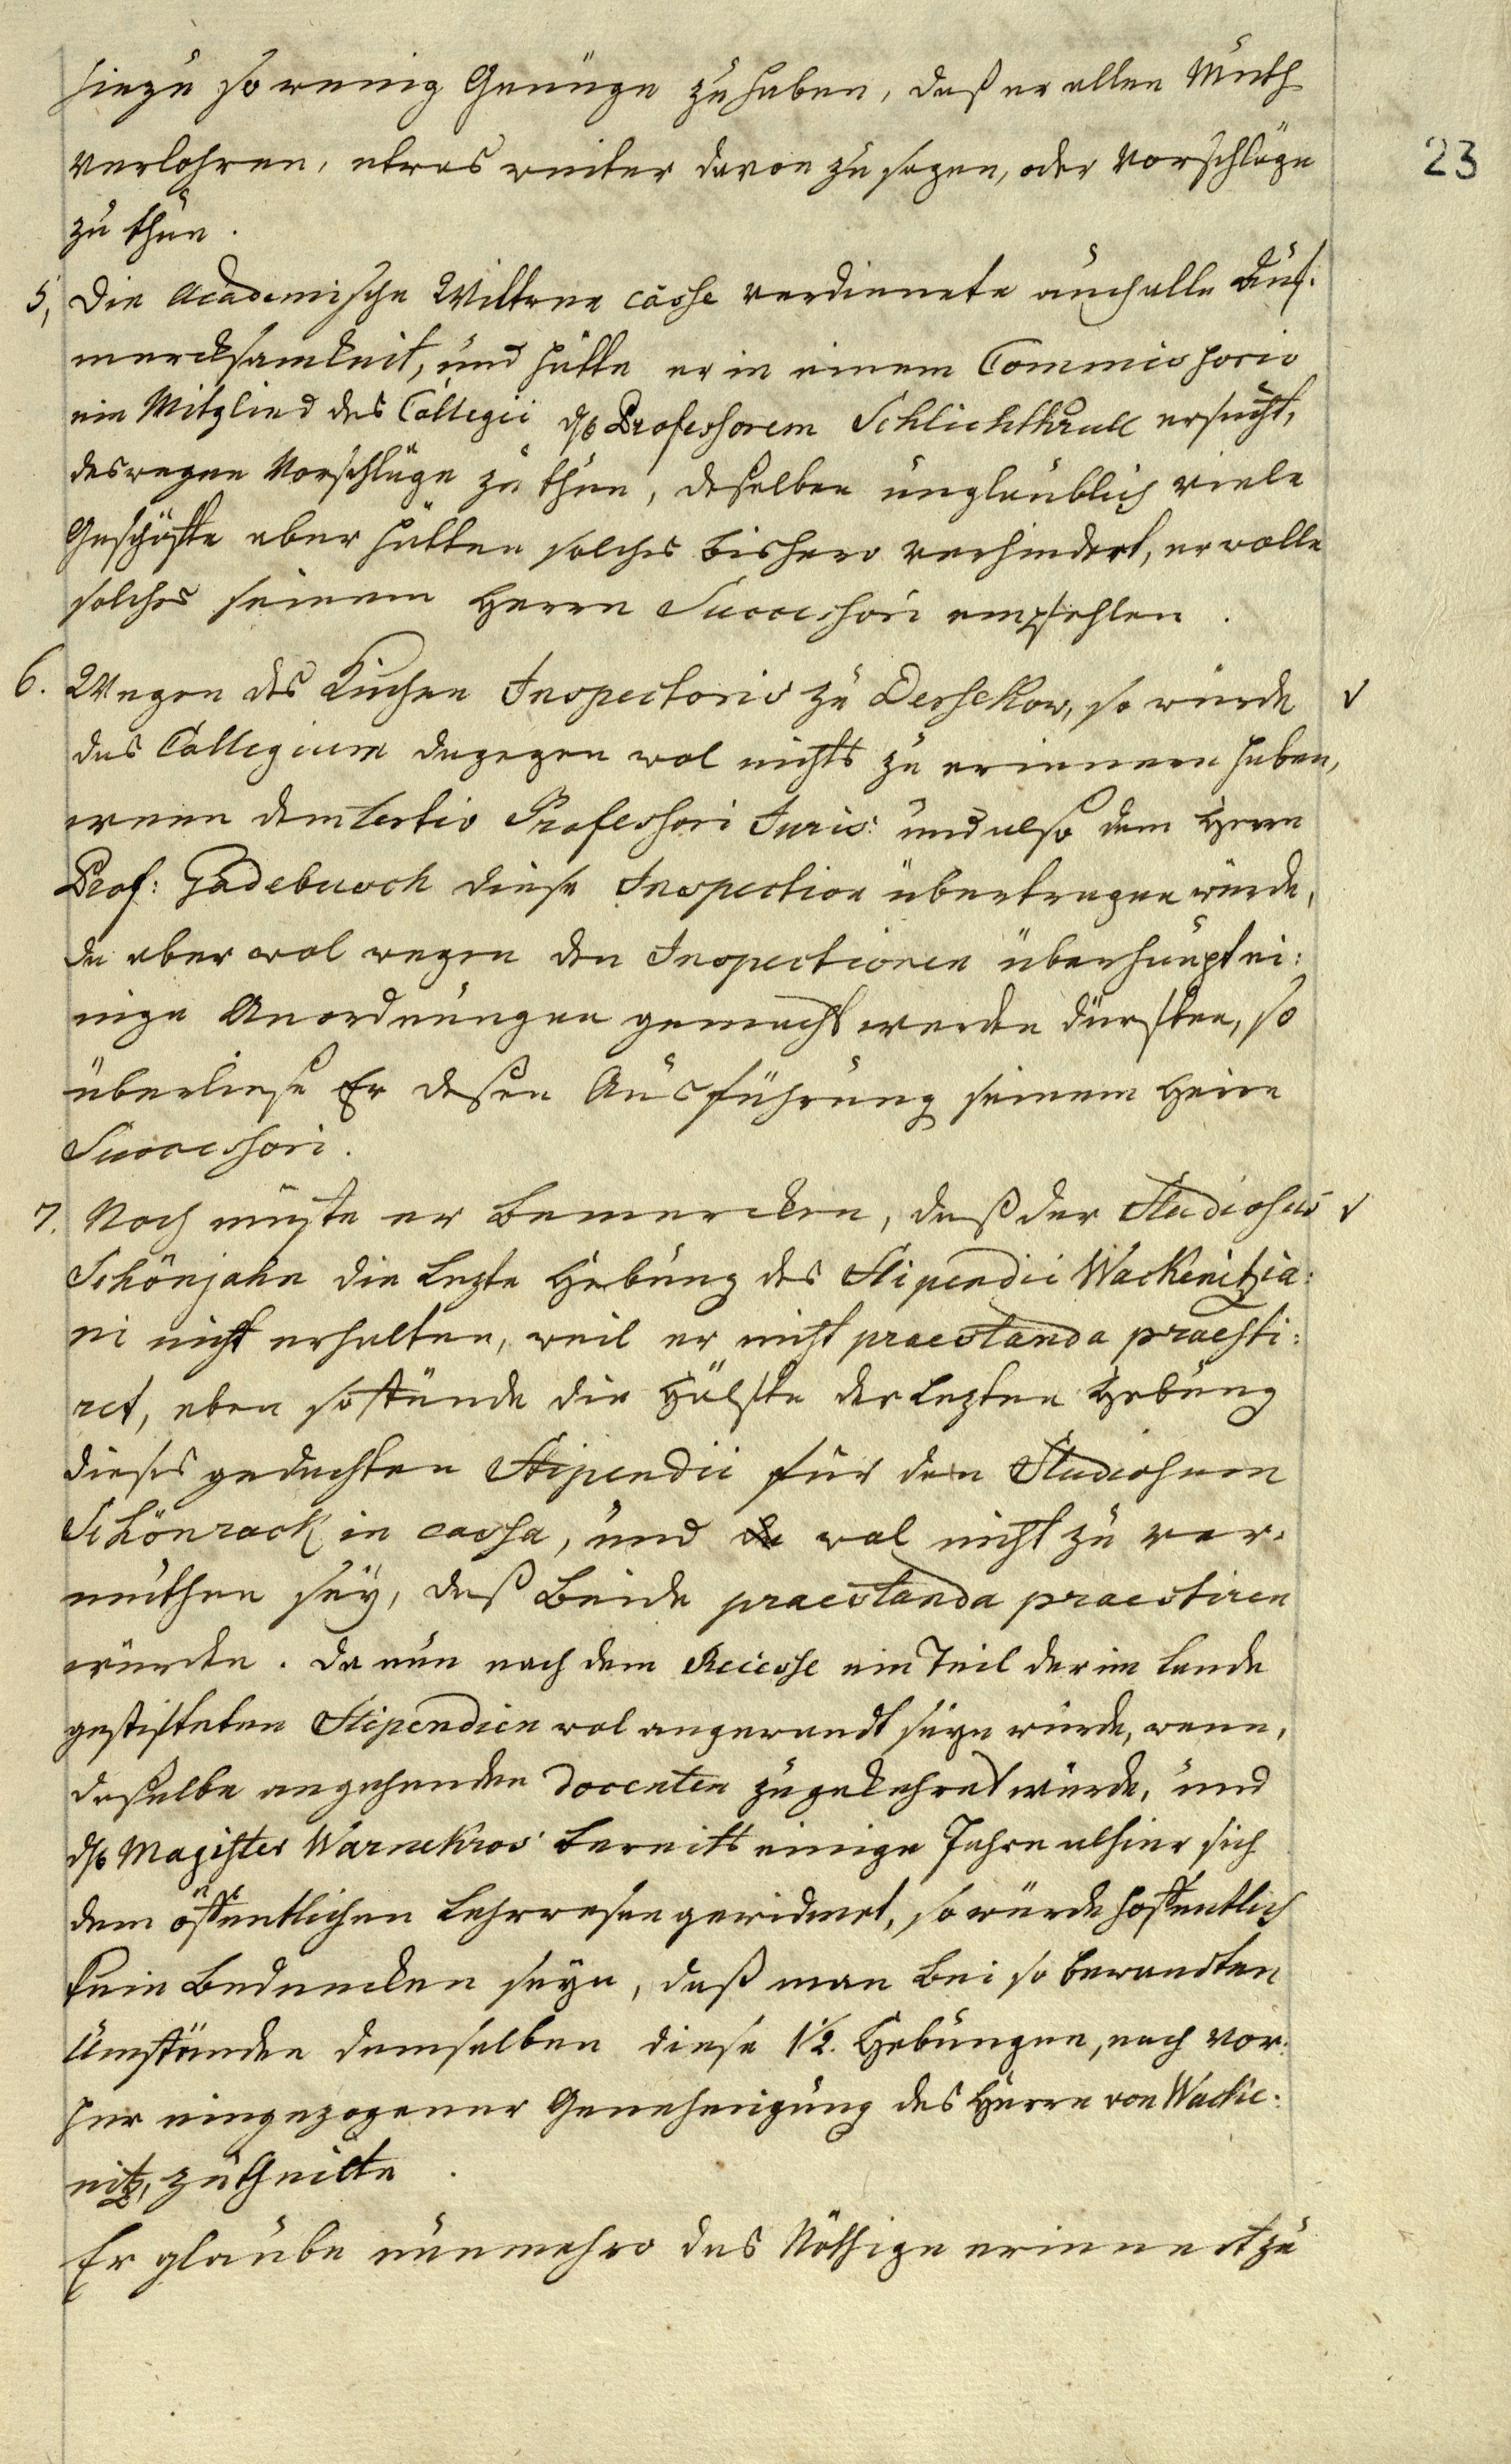hiezu so wenig Genüge zuhaben, daß er allen Muth
verlohren, etwas weiter davon zu sagen, oder Vorschläge
zu thun.
5. Die Academische Wittwen casse verdienete auch alle Auf¬
mercksamkeit, und hätte er ineinem Commissorio
ein Mitglied des Collegii dh Professorem Schlichtkrull ersucht,
deswegen Vorschläge zu thun, deßelben unglaublich viele
Geschäfte aber hätten solches bisher verhindert, er wolle
solches seinem Herrn Successori empfehlen.
6. Wegen des Kirchen Inspectoris zu Dersekow, so würde
das Collegium dagegen wol nichts zu erinnern haben,
wenn dem tertio Professori Juris und also dem Herrn
Prof. Gadebusch diese Inspection übertragen würde,
da aber wol wegen den Inspectionen überhaupt ei¬
nige Anordnungen gemacht werden dürften, so
überließe Er deßen Ausführung seinem Herrn
Successori.
7. Noch müste er bemercken, daß der Studiosus
Schönjahn die lezte Hebung des Stipendii Wackenitzia¬
ni nicht erhalten, weil er nicht praestanda praesti¬
ret, ebenso stünde die Hälfte der leztern Hebung
dieses gedachten Stipendii für den Studiosum
Schönrock in cassa, und da wol nicht zu ver¬
muthen seÿ, daß beide praestanda praestiren
würde. Da nun nach dem Recesse ein Teil der im Lande
gestifteten Stipendien wol angewandt seÿn würde, wenn,
daßelbe angehenden docenten zugekehret würde, und
dh Magister Warnekros bereits einige Jahre alhier sich
dem öffentlichen Lehrwesen gewidmet, so würde hoffentlich
kein Bedencken seÿn, daß man bei so bewandten
Umständen demselben diese 1½ Hebungen, nach vor¬
her eingegangener Genehmigung des Herrn von Wacke¬
nitz, zutheilte.
Er glaube nunmehro da Nöthige erinnert zu